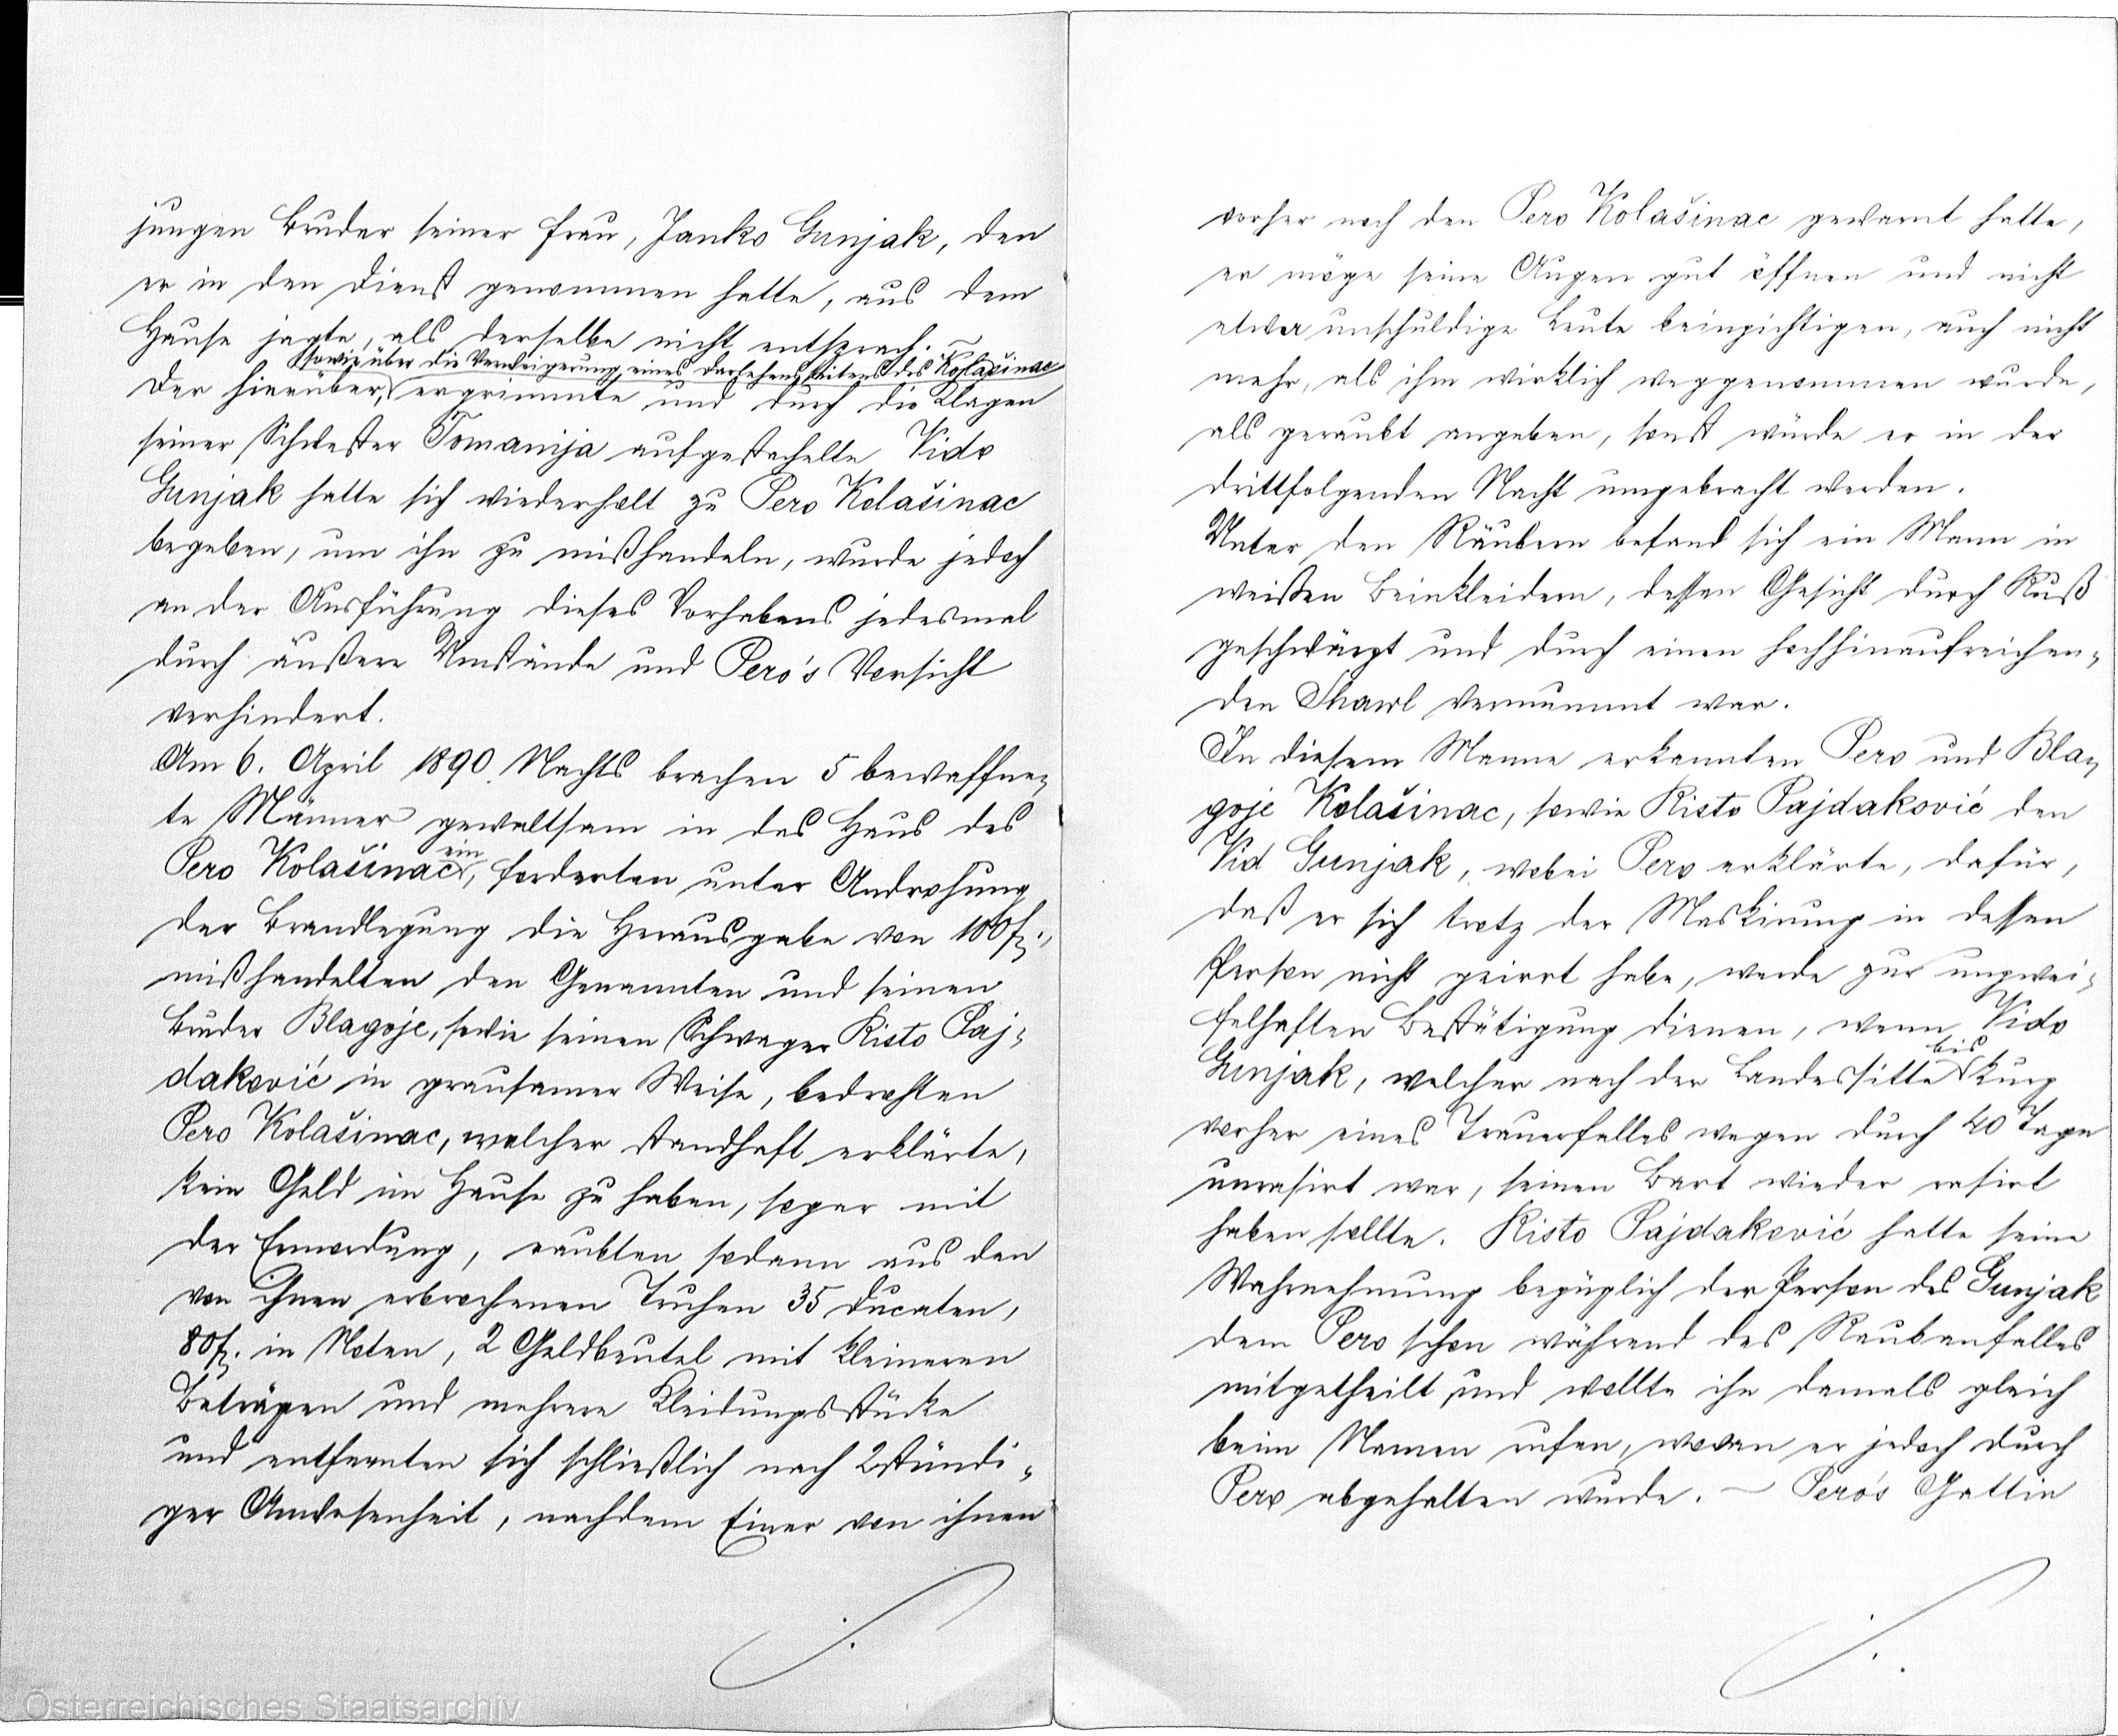jungen Bruder seiner Frau, Janko Gunjak, den
er in den Dienst genommen hatte, aus dem
Hause jagte, als derselbe nicht entsprach.
sowie über die Verweigerung eines Darlehens seitens des Kolašinac
Der hierüber, ergrinnete und durch die Klagen
seiner Schwester Tomanija aufgestechelte Vide
Gunjak hatte sich wiederholt zu Pero Kolašinac
begeben, um ihn zu mißhandeln, wurde jeoch
an der Ausführung dieses Vorhabens jedesmal
durch äußere Umstände und Pero’s Vorsicht
verhindert.
Am 6. April 1890 Nachts brachen 5 bewaffnete
Männer gewaltsam in das Haus des
ein
Pero Kolašinac, forderten unter Androhung
der Brandlegung die Herausgabe von 100 f.,
mißhandelten den Genannten und seinen
Bruder Blagoje, sowie seinen Schwager Risto Paj¬
daković in grausamer Weise, bedrohten
Pero Kolašinac, welcher standhaft erklärte,
kein Geld im Hause zu haben, sogar mit
der Ermordung, raubten sodann aus den
von ihnen erbrochenen Truhen 35 Ducaten,
80f in Noten, 2 Geldbeutel mit kleineren
Beträgen und mehrere Kleidungsstücke
und entfernten sich schließlich nach 2stündi¬
ger Anwesenheit, nachdem Einer von ihnen
vorher noch den Pero Kolašinac gewarnt hatte,
er möge seine Augen gut öffnen und nicht
etwa unschuldige Leute beinzichtigen, auch nicht
mehr, als ihm wirklich weggenommen wurde,
als geraubt angeben, sonst würde er in der
drittfolgenden Nach umgebracht werden.
Unter den Räubern befand sich ein Mann in
weißen Beinkleidern, dessen Gesicht durch Ruß
geschwärzt und durch einen hochhinaufreichen¬
den Shawl vermummt war.
In diesem Manne erkannten Pero und Bla¬
goje Kolašinac, sowie Risto Pajdaković den
Vid Gunjak, wobei Pero erklärte, dafür,
daß er sich trotz der Maskirung in dessen
Person nicht geirrt habe, wurde zur unzwei¬
felhaften Bestätigung dienen, wenn Vido
bis
Gunjak, welcher nach der Landessitte kurz
vorher eines Trauerfalles wegen durch 40 Tagen
unrasirt war, seinen Bart wieder rasirt
haben sollte. Risto Pajdaković hatte seine
Wahrnehmung bezüglich der Person des Gunjak
dem Pero schon während des Raubanfalles
mitgetheilt und wollte ihn damals gleich
beim Namen rufen, wovon er jedoch durch
Pero abgehalten wurde. Pero’s Gattin